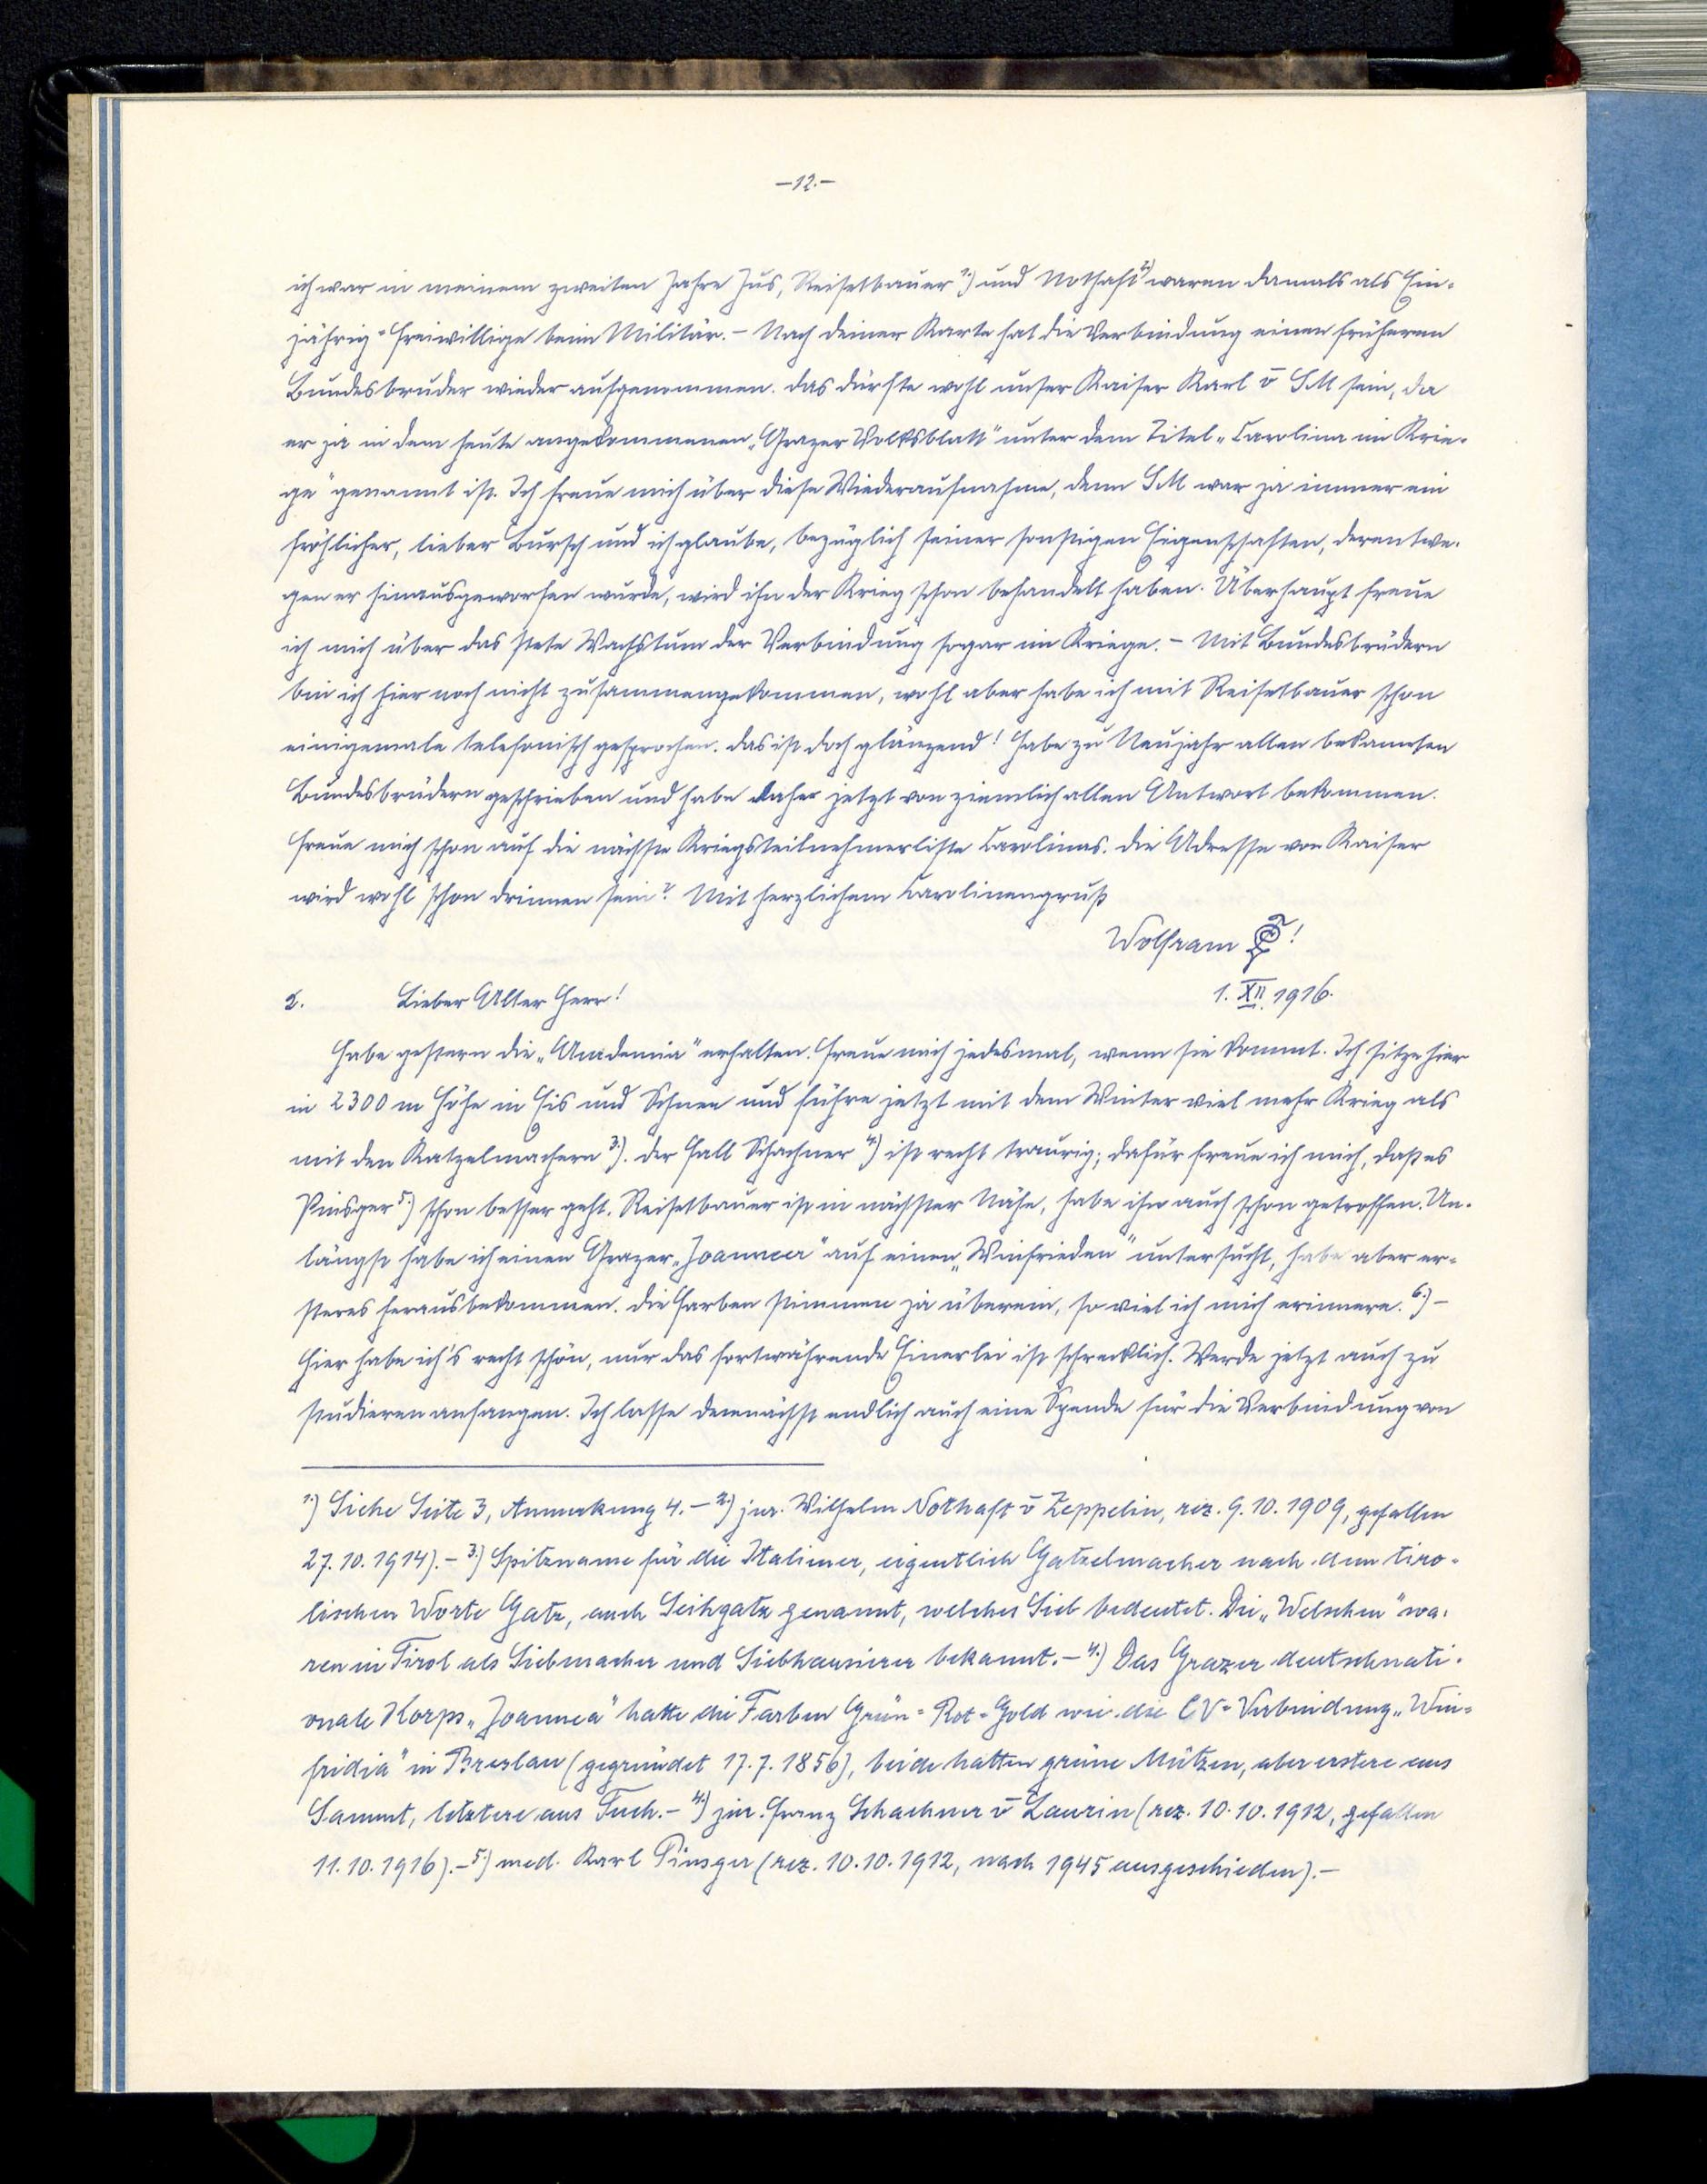12
war in meinem zweiten Jahre Jus, Reiselbauer 1) und Nothaft 2)waren damals als Ein-
jährig-Freiwillige beim Militär. Nach deiner Karte hat die Verbindung einen früheren
Bundesbruder wieder aufgenommen. Das dürfte wohl unser Kaiser Karl v/o SM sein, da
er ja in dem heute angekommenen „Grazer Volksblatt“ unter dem Titel „Carolina im Krie-
genannt ist. Ich freue mich über diese Wiederaufnahme, denn SM war ja immer ein
fröhlicher, lieber Bursch und ich glaube, bezüglich seiner sonstigen Eigenschaften, derentwe-
gen er hinausgeworfen wurde, wird ihn der Krieg schon behandelt haben. Überhaupt freue
ich mich über das stete Wachstum der Verbindung sogar im Kriege. – Mit Bundesbrüdern
bin ich hier noch nicht zusammengekommenm wohl aber habe ich mit Reiselbauer schon
einigemale telefonisch gesprochen. Das ist doch glänzend! Aber zu Neujahr allen bekannten
Bundesbrüdern geschrieben und habe daher jetzt von ziemlich allen Antwort bekommen.
Freue mich schon auf die nächste Kriegsteilnehmerliste Karolinas. Die Adressen von Kaiser
wird wohl schon drinnen sein! Mit herzlichem Karolinengruß
Wolfram!
2. Lieber Alter Herr! 1.XII.1916
Habe gestern die „Academica“ erhalten. Freue mich jedesmal, wenn sie kommt. Ich sitze hier
in 2300 m Höhe in Eis und Schnee und führe jetzt mit dem Winter viel mehr Krieg als
mit den Katzelmachern 3). Der Fall Schachner ist recht traurig; dafür freue ich mich, daß es
Pinsger (?) schon besser geht. Reiselbauer ist in nächster Nähe, habe ihn auch schon getroffen. Un-
längst habe ich einen Grazer „Joaneer“ auf einen „Winfrieden“ untersucht, habe aber er-
sterer herausbekommen. Die Farben stimmen ja überein, soviel ich mich erinnere. 6)-
Hier habe ich‘s recht schön, nur das fortwährende Einerlei ist schrecklich. Werde jetzt auch zu
studieren anfangen. Ich lasse demnächst endlich auch eine Spende für die Verbindung von
1) Siehe Seite 3, Anmerkung 4. – 2) iur. Wilhelm Nothaft v/o Zeppelin, rez. 9.10. 1909, gefallen
27. 10 1940.- 3)Spitzname für alle Italiener, eigentlich Gatzelmacher nach dem tiro-
lischen Worte Gatz, auch Seichgatz genannt, welches Sieb bedeutet. Die „Walschen“ wa-
ren in Tirol als Siebmacher und Siebhausierer bekannt. 4) Das Grazer deutschnati-
onale Korps „Johannea“ hatte die Farben Grün-Rot-Gold und die CV-Verbindung „Win-
fridia“ in Breslau (gegründet 17.7.1856), beide hatten grüne Mützen, aber erstere aus
Sammt, letztere aus Tuch – 4) iur. Franz Schachna v/o Laurin ( rez. 10.10.1912 gefallen
11.10.1916) - und med. Karl Pinsger (rez. 10.10.1912, nach 1945 ausgeschieden)-